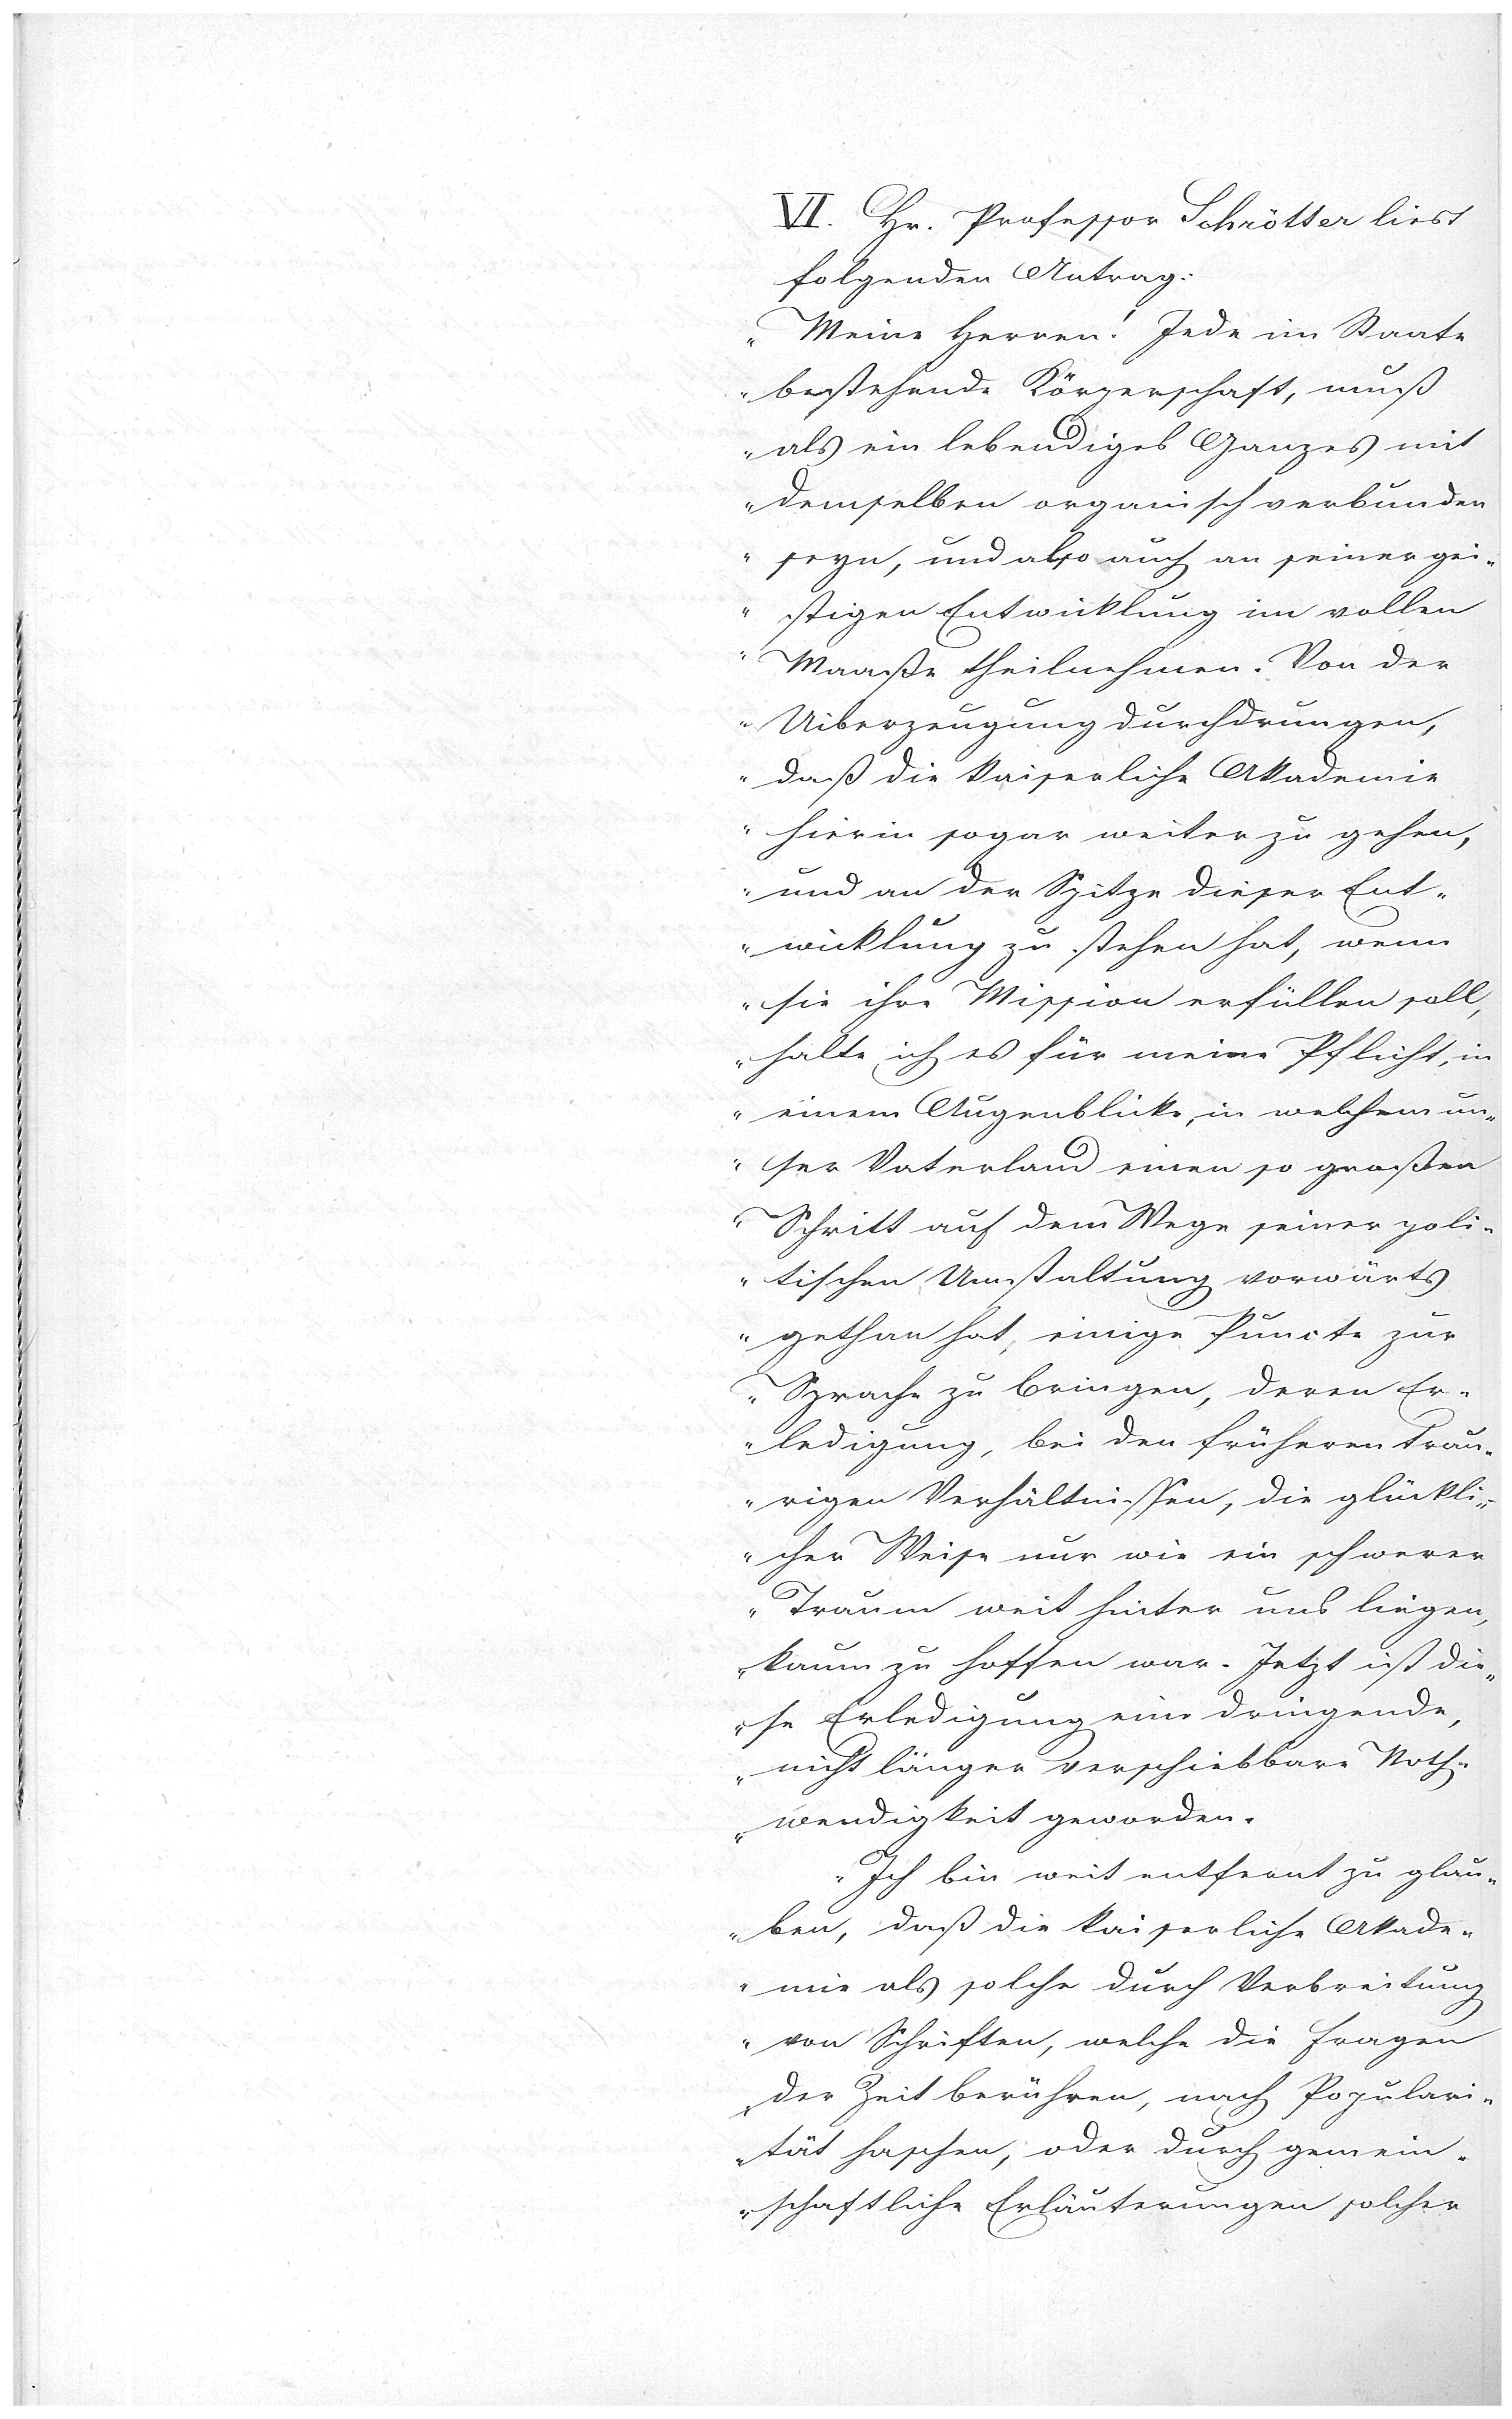VI. Hr. Professor Schrötter liest
folgenden Antrag.
" Meine Herren! Jede im Staate
" bestehende Körperschaft, muß
" als ein lebendiges Ganzes mit
" demselben organisch verbunden
" seyn, und also auch an seiner gei-
" stigen Entwicklung im vollen
" Maaße theilnehmen. Von der
" Uiberzeugung durchdrungen
" daß die kaiserliche Akademie
" hierin sogar weiter zu gehen
" und an der Spitze dieser Ent-
" wicklung zu stehen hat, wenn
" sie ihre Mission erfüllen soll,
" halte ich es für meine Pflicht, in
" einem Augenklicke, in welchem un-
" ser Vaterland einen so großen
" Schritt auf dem Wege seiner poli-
" tischen Umstellung vorwärts
" gethan hat, einige Puncte zur
" Sprache zu bringen, deren Er-
" ledigung, bei den früheren trau-
" rigen Verhältnissen, die glückli-
" cher Weise nur wie ein schwerer
" Traum weit hinter uns liegen,
" kaum zu hoffen war. Jetzt ist die-
" se Erledigung eine dringende,
" nicht länger verschiebbare Noth-
" wendigkeit geworden.
" Ich bin weit entfernt zu glau-
" ben, daß die kaiserliche Akade-
" mie als solche durch Verbreitung
" von Schriften, welche die Fragen
" der Zeit berühren, nach Populari-
" tät haschen, oder durch gemein-
" schaftliche Erläuterungen solcher